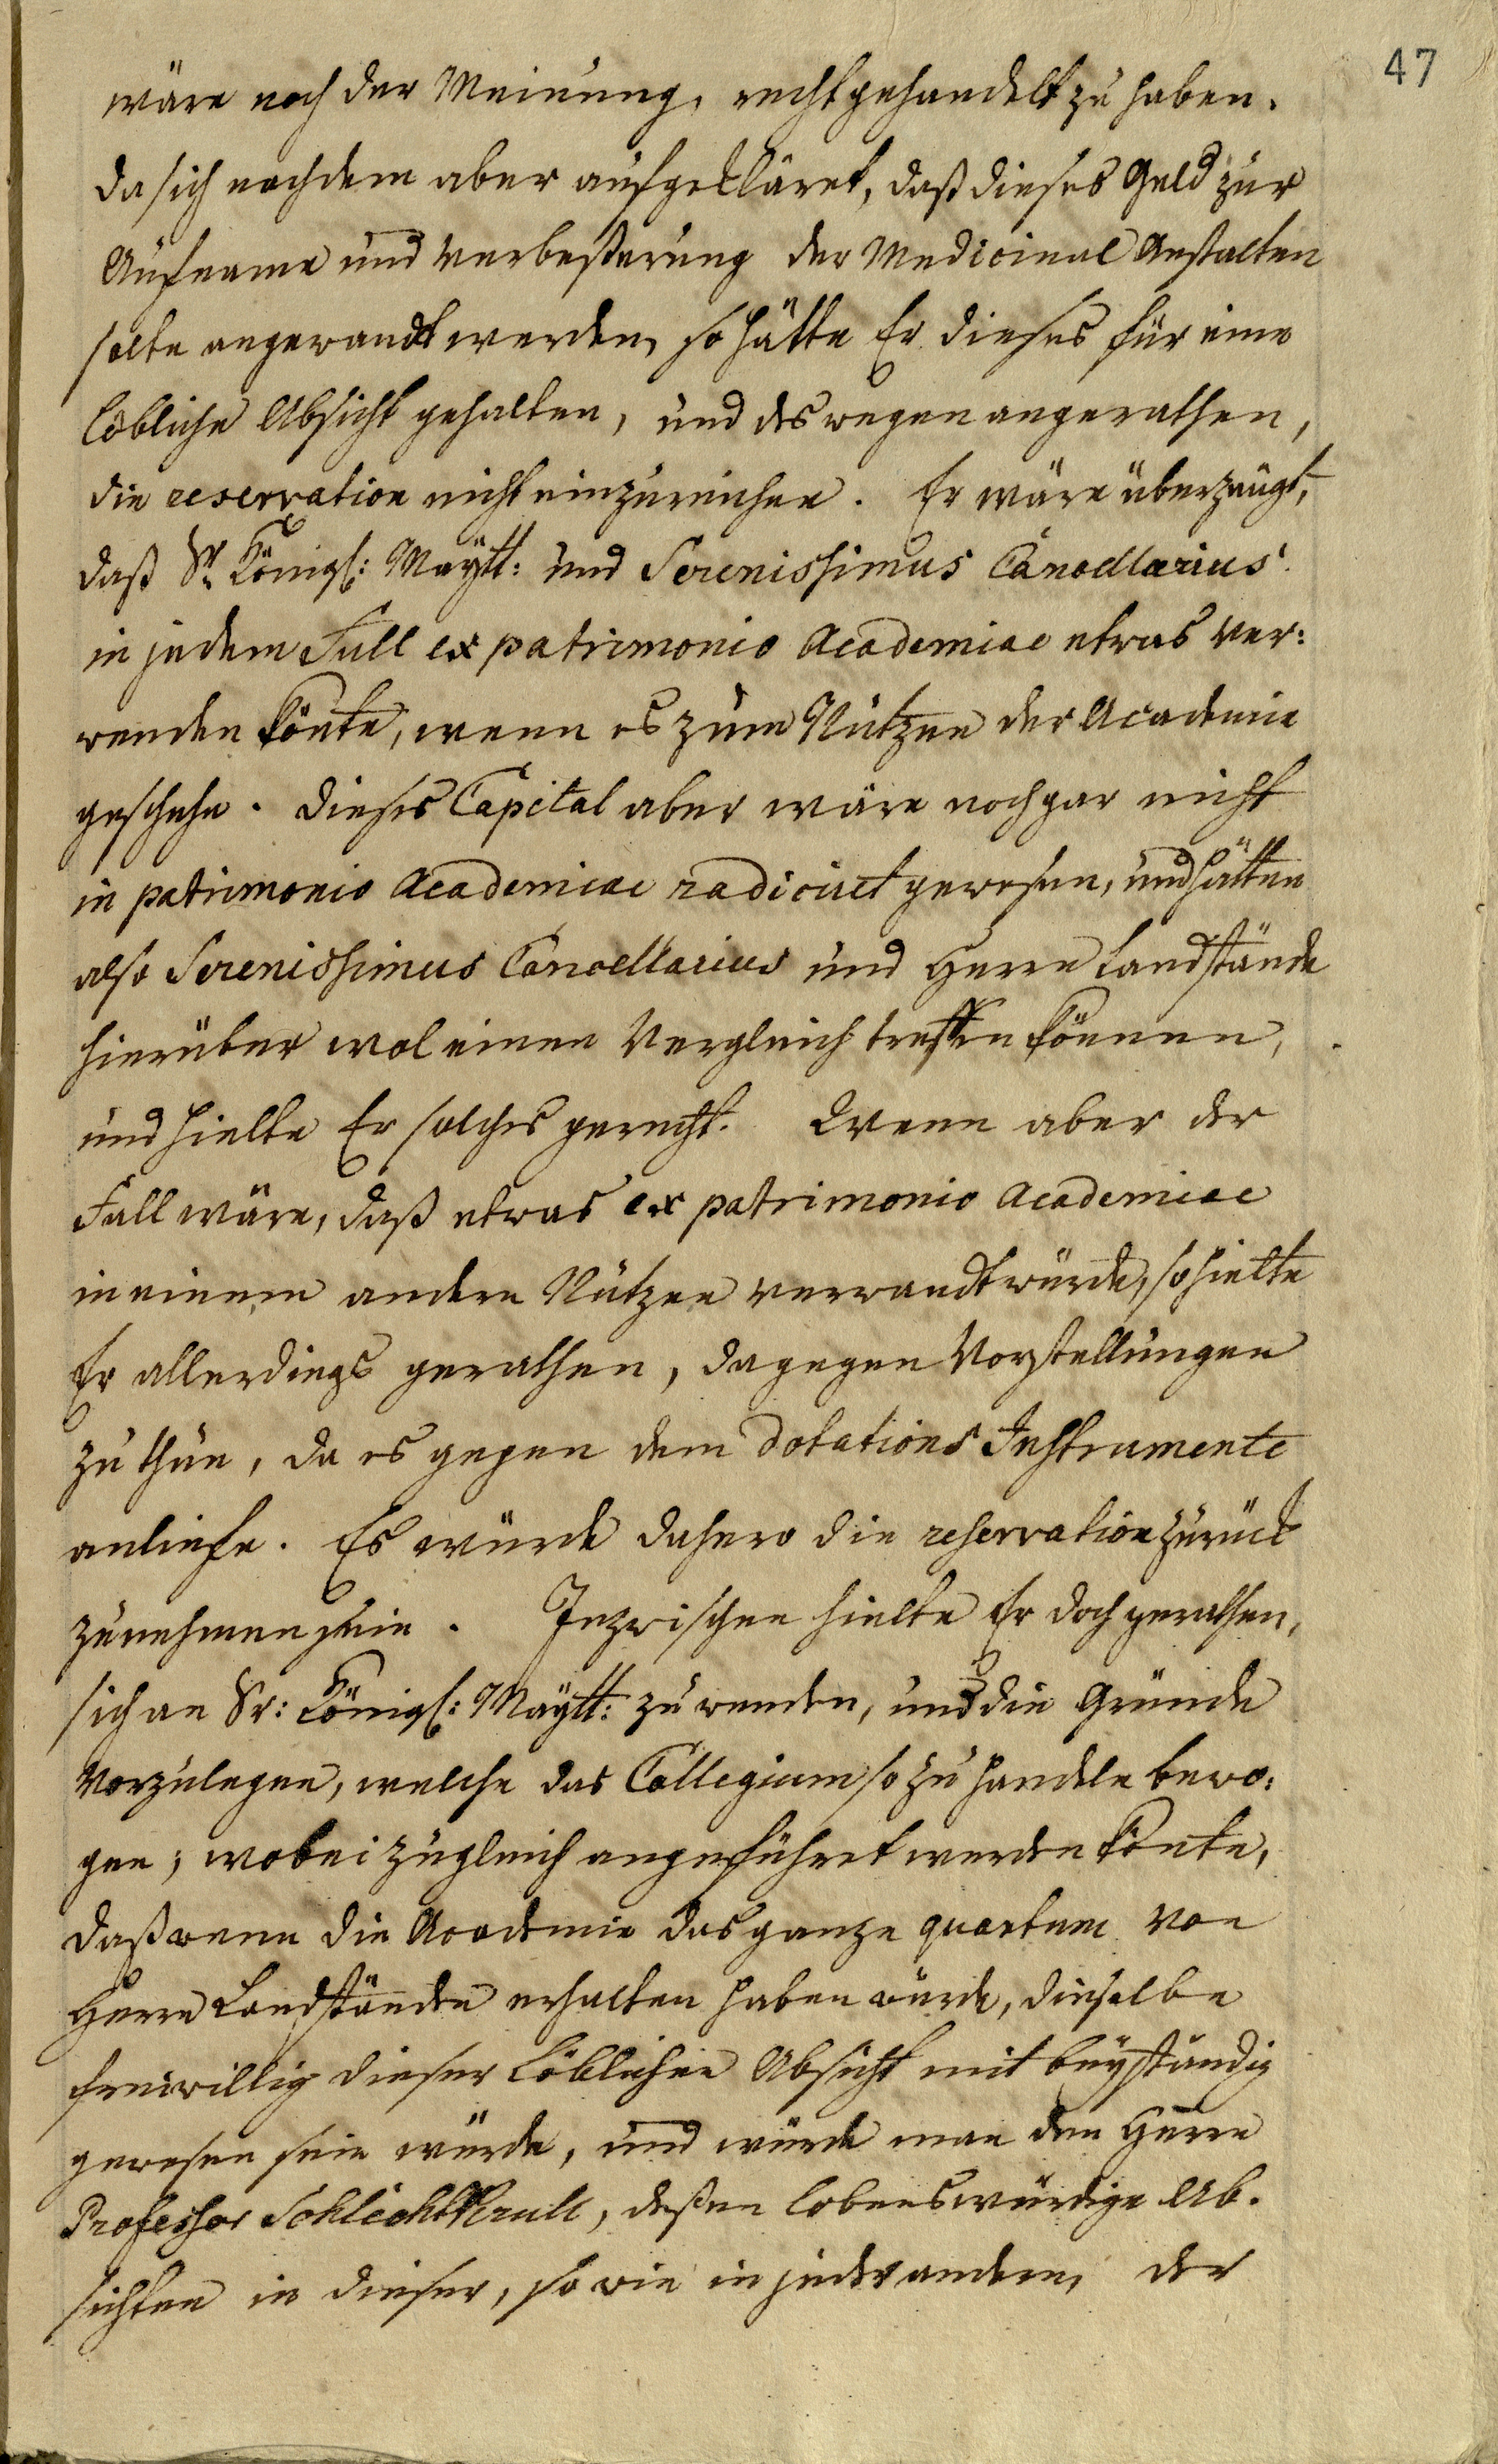wäre noch der Meinung, recht gehandelt zu haben.
Da sich nachdem aber aufgekläret, daß dieses Geld zur
Aufname und Verbeßerung der Medicinal Anstalten
solte angewandt werden, so hätte Er dieses für eine
löbliche Absicht gehalten, und des wegen angerathen,
die reservation nicht einzureichen. Er wäre überzeugt,
daß Sr. Königl. Maÿtt. und Serenissimus Cancellarius
im jedem Fall ex patrimonio Academiae etwas ver¬
wenden könte, wenn es zum Nutzen der Academie
geschehe. Dieses Capital aber wäre noch gar nicht
in patrimonio Academiae radiciret gewesen, und hätten
also Serenissimus Cancellarius und Herrn Landstände
hierüber wohl einen Vergleich treffen können,
und hielte Er solches gerecht. Wenn aber der
Fall wäre, daß etwas ex patrimonio Academiae
in einem andern Nutzen verwandt würde, so hielte
Er allerdings gerathen, dagegen Vorstellungen
zu thun, da es gegen dem dotations Instrumente
anliefe. Es würde dahero die reservation zurück
zu nehmen sein. Inzwischen hielte Er doch gerathen,
sich an Sr. Königl. Maÿtt zu wenden, und die Gründe
vorzulegen, welche das Collegium so zu handeln bewo¬
gen; wobei zugleich angeführet werden könte,
daß wenn die Academie dasgauze Quantum von
Herrn Landständen erhalten haben würde, dieselbe
freiwillig dieser Löblichen Absicht mit beÿständig
gewesen sein würde, und würde man dem Herrn
Professor Schlichtkrull, deßen lobenswürdige Ab¬
sichten in dieser, so wie in jeder andern, der